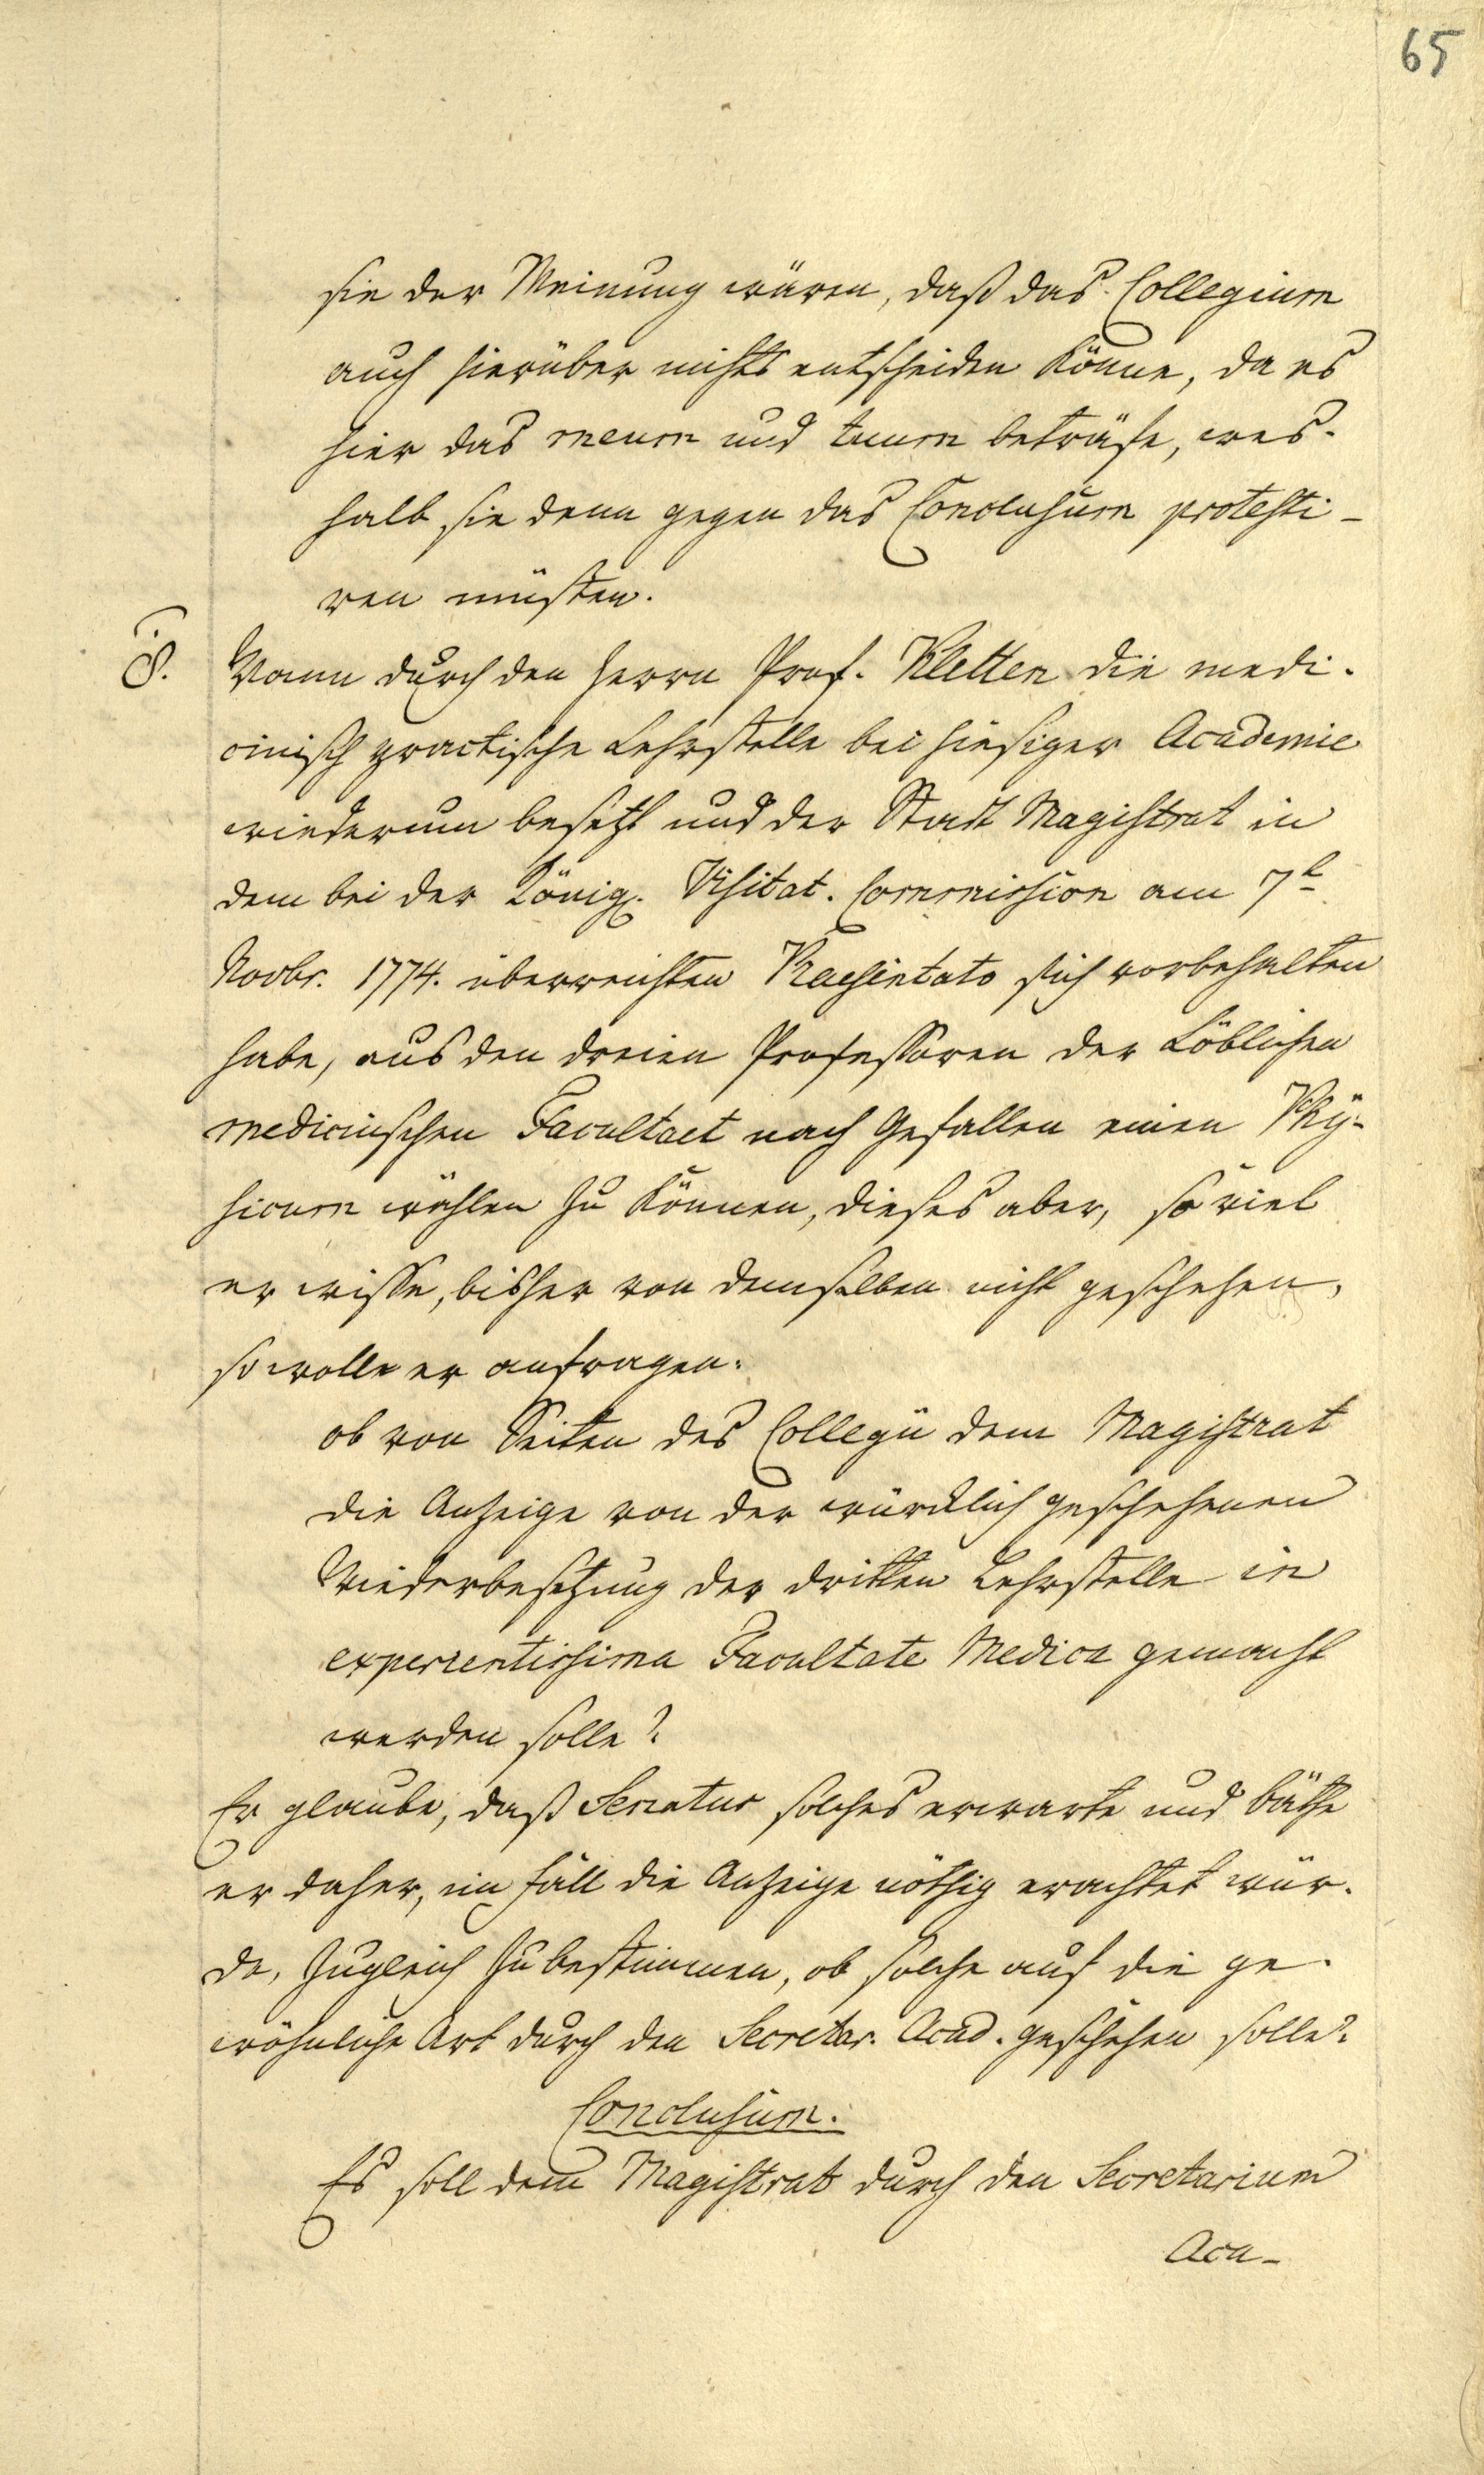sie der Meinung wären, daß das Collegium
auch hierüber nichts entscheiden könne, da es
hier das meum und tuum beträfe, wes¬
halb sie denn¬ gegen das Conclusum protesti
ren müßten.
8. Wann durch den Herrn Prof. Kletten. die medi¬
cinisch practischen Lehrstelle bei hiesiger Academie
wiederum besetzt und der Stadt Magistrat in
dem bei der Königl. Visitat. Commission am 7 t
Novbr. 1774. überreichten Praesentato sich vorbehalten
habe, aus den dreien Professoren der Löblichen
medicinischen Facultaet nach Gefallen einen Phÿ¬
sicum wählen zu können, dieses aber, so viel
er wisse, bisher von demselben nicht geschehen,
so wolle er anfragen:
ob von Seiten des Collegii dem Magistrat
die Anzeige von der würcklich geschehenen
Wiederbesetzung der dritten Lehrstelle in
experientissima Facultate Medica gemacht
werden solle?
Er glaube, daß Senatus solches erwarte und bäthe
er daher, im Fall die Anzeige nöthig erachtet wür¬
de, zugleich zu bestimmen, ob solche auf die ge¬
wöhnliche Art durch den Secretar. Acad. geschehen solle?
Conclusum.
Es soll dem Magistrat durch den Secretarium
Aca-